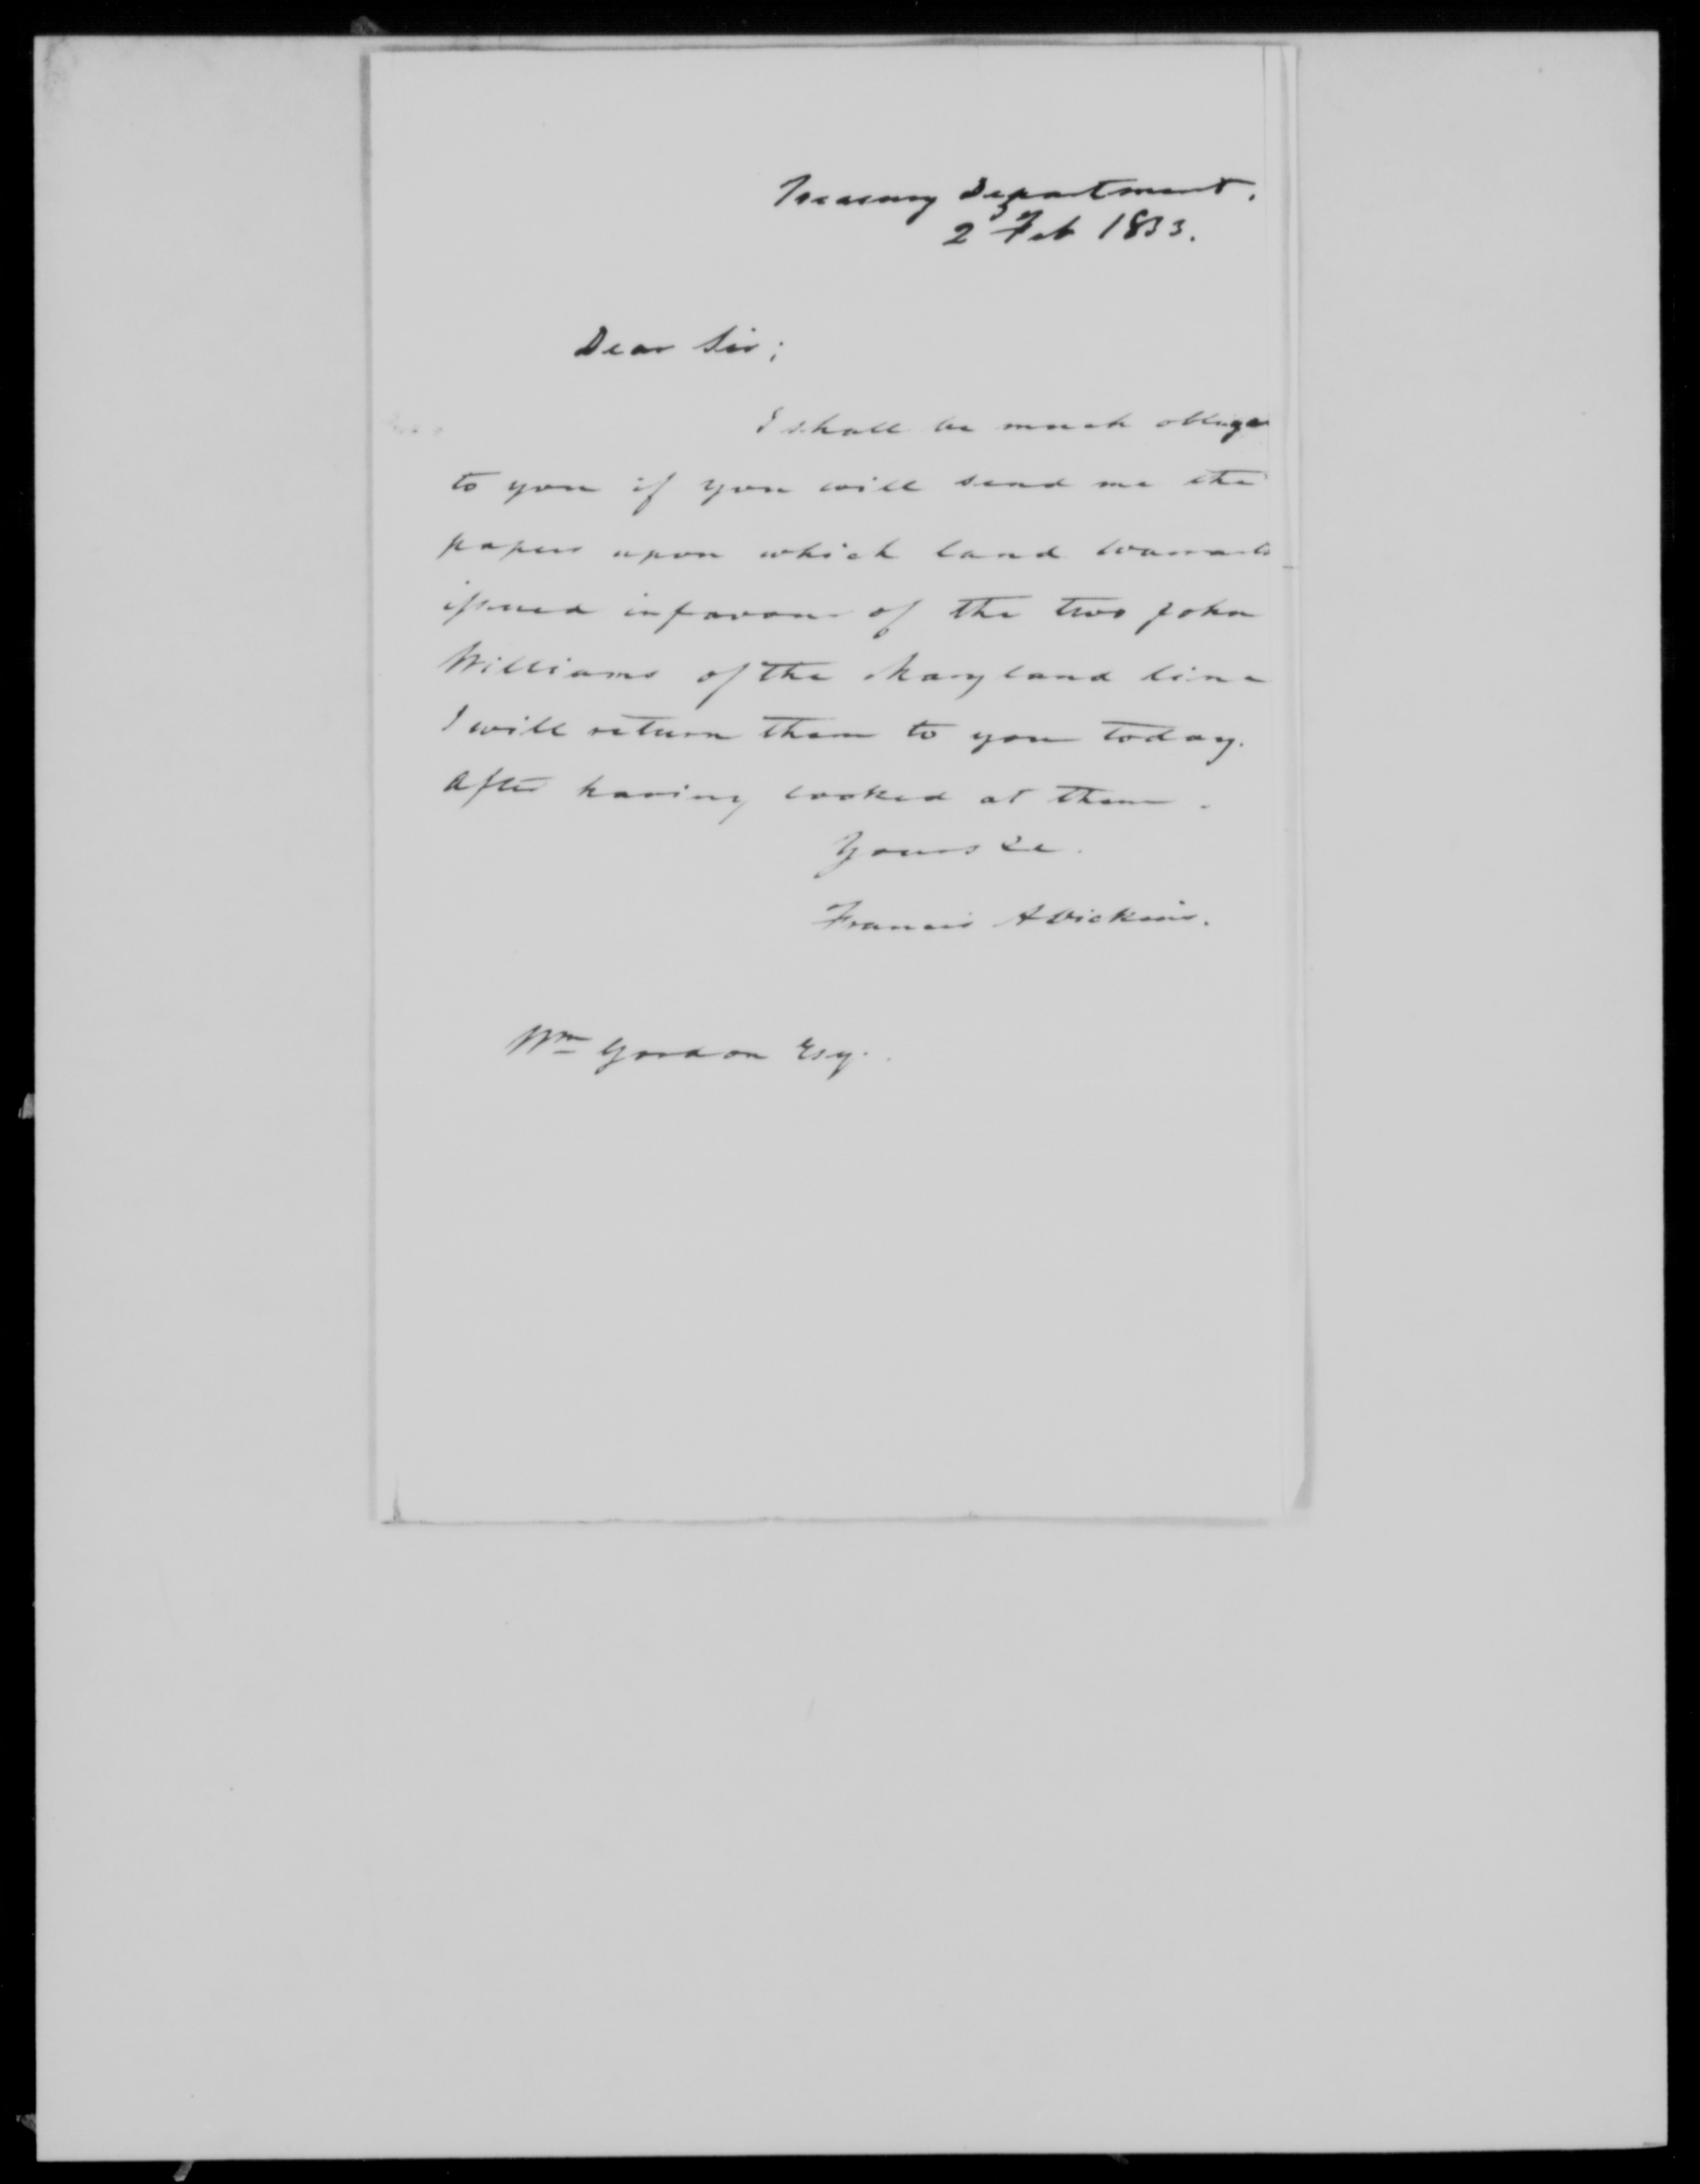Treasury Department
2d Feb 1833.

Dear Sir:

I shall be much obliged
to you if you will send me the
papers upon which land warrant
issued in favor of the two John 
Williams of the Maryland line
I will return them to you today.
after having looked at them.
Yours
Francis A Dickins.

Wm Gordon Esq.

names: Francis A Dickins, John Williams, Wm Gordon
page: 3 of 8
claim: bounty land warrant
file: B. L. Wt. 1363-100, John Williams, Md.